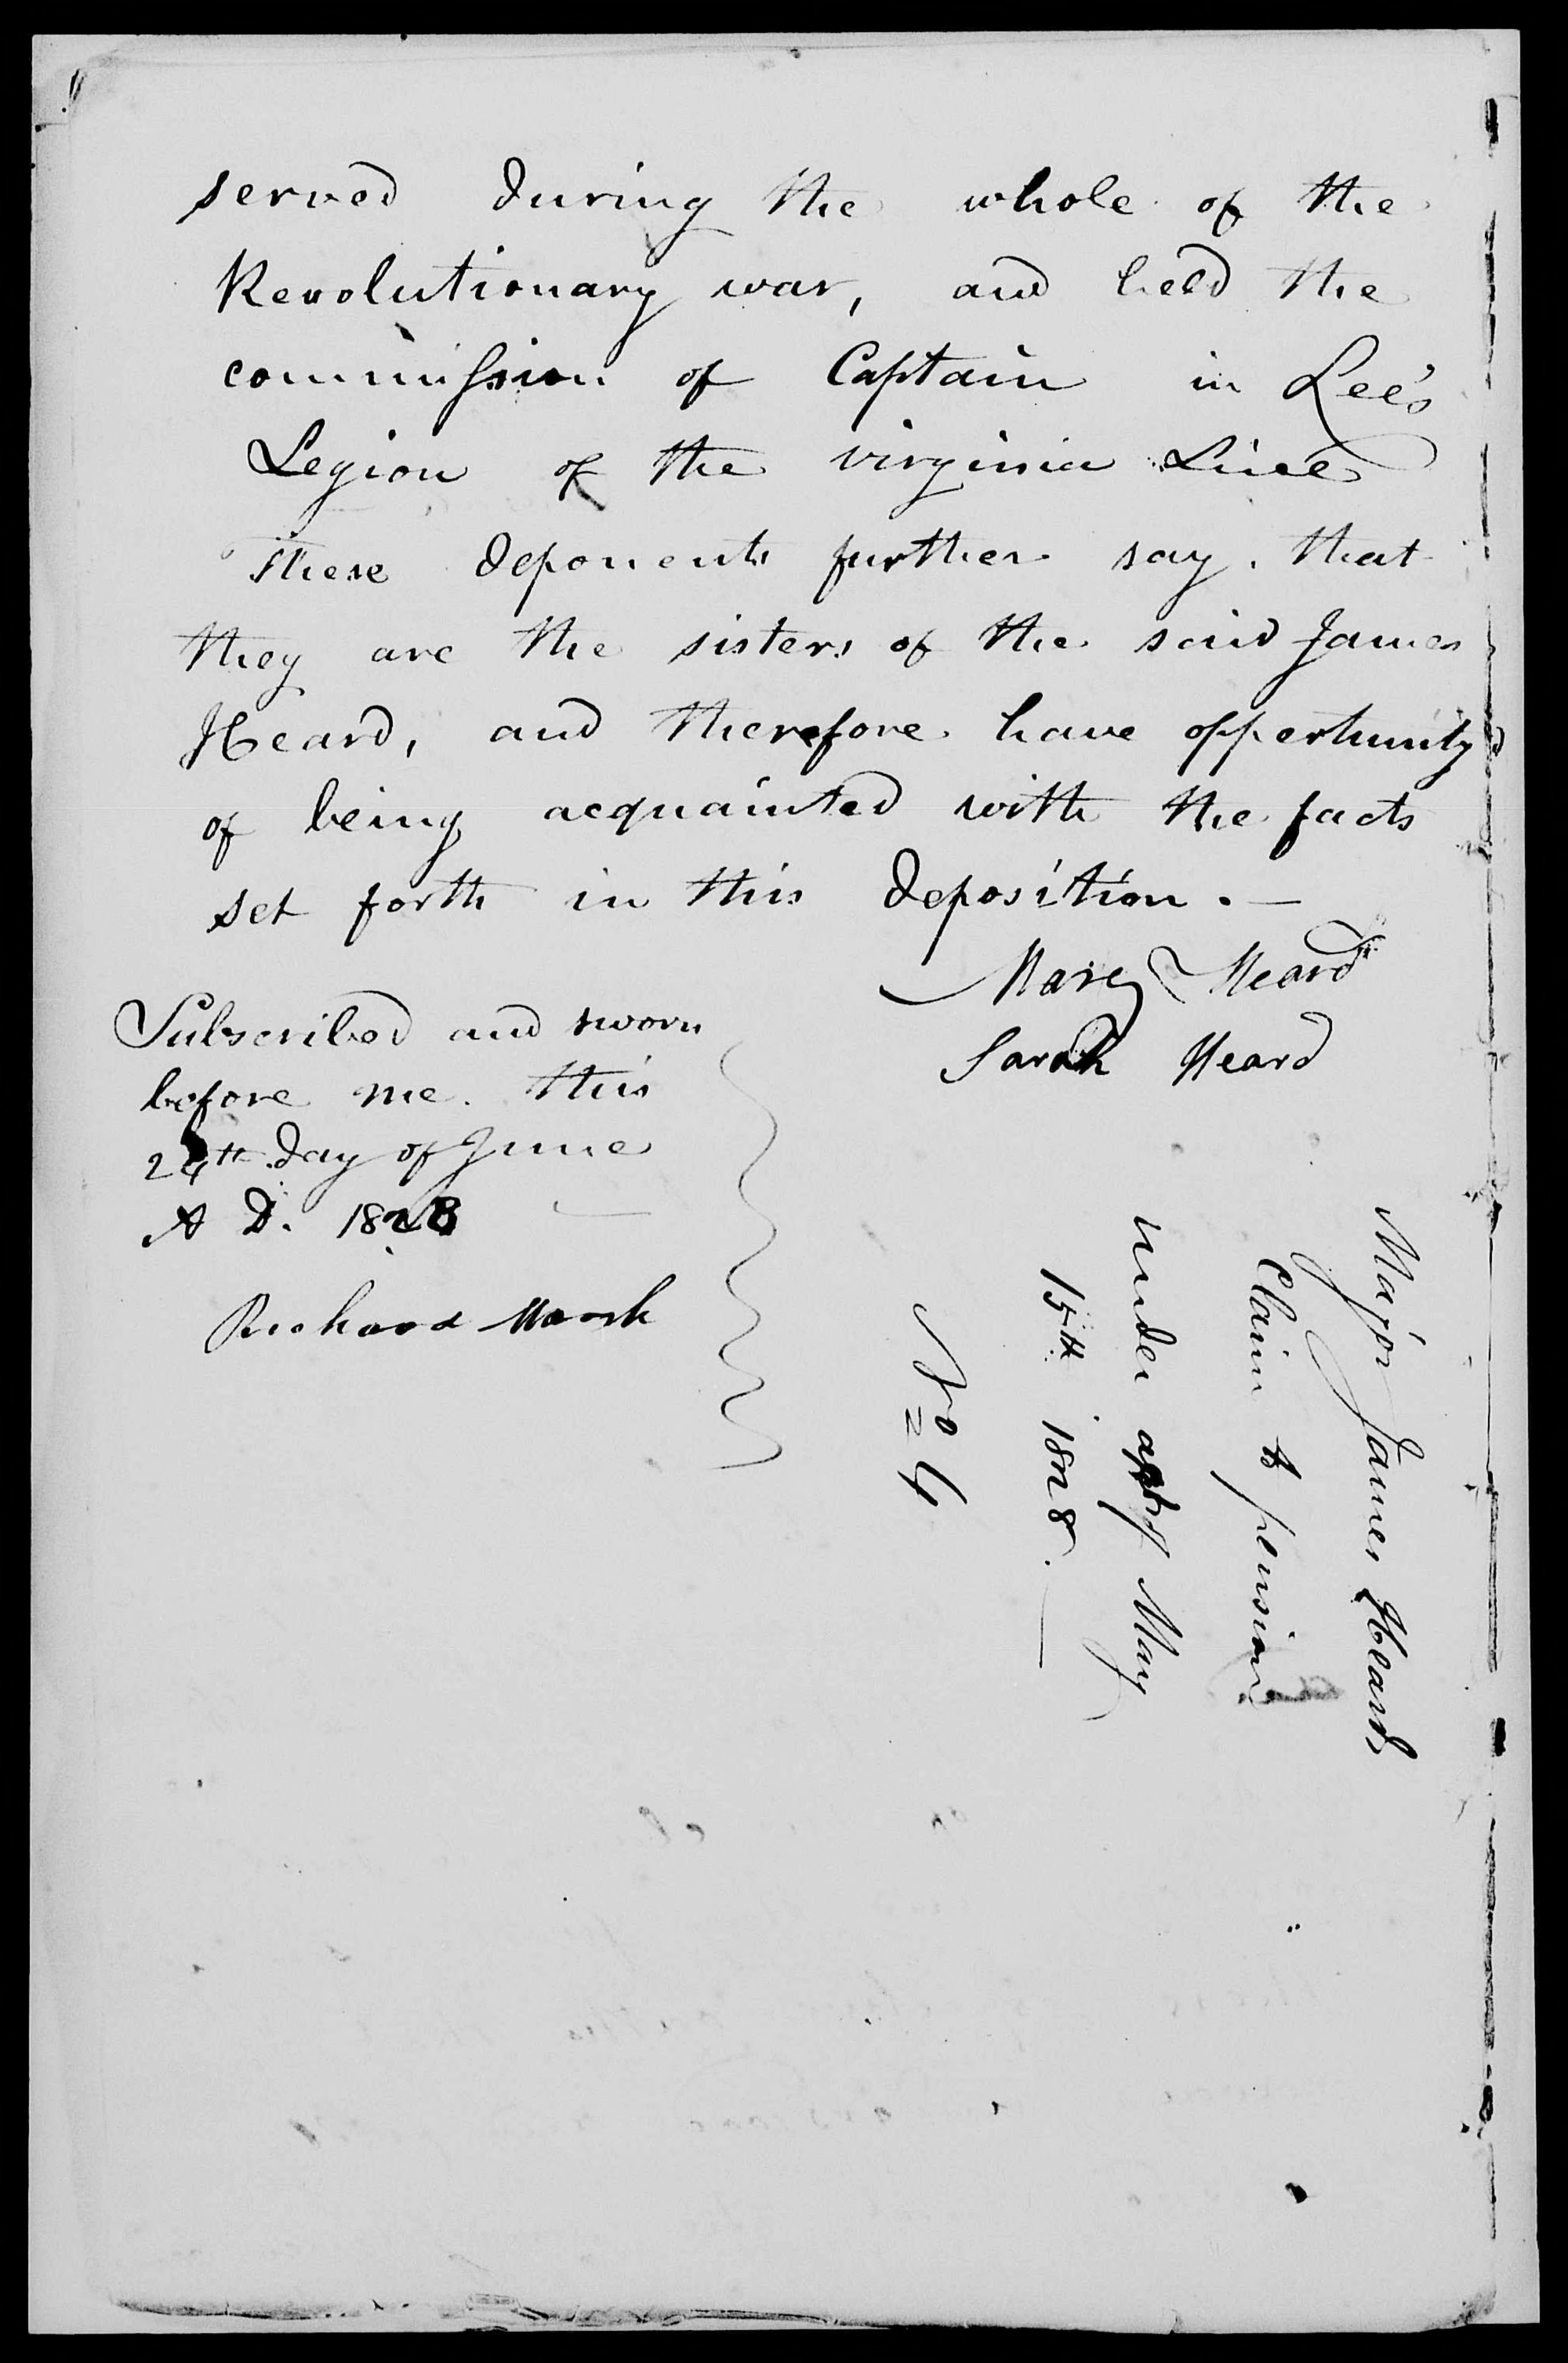Served during the whole of the Revolutionary War, and heed the commission of Captain in Lee’s Legion of the Virginia line. These deponents further say that they are the sisters of the said James Heard, and therefore have opportunity of being acquainted with the facts set forth in this disposition. 

Mary Heard
Sarah Heard

Subscribed and sworn before me this 24th day of June, A.D. 1828

Richard Marsh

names: Mary Heard, Richard Marsh, James Heard, Sarah Heard, James Heard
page: 34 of 62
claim: survivor's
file: S. 540, James Heard, Continental - New Jersey Residence In 1818